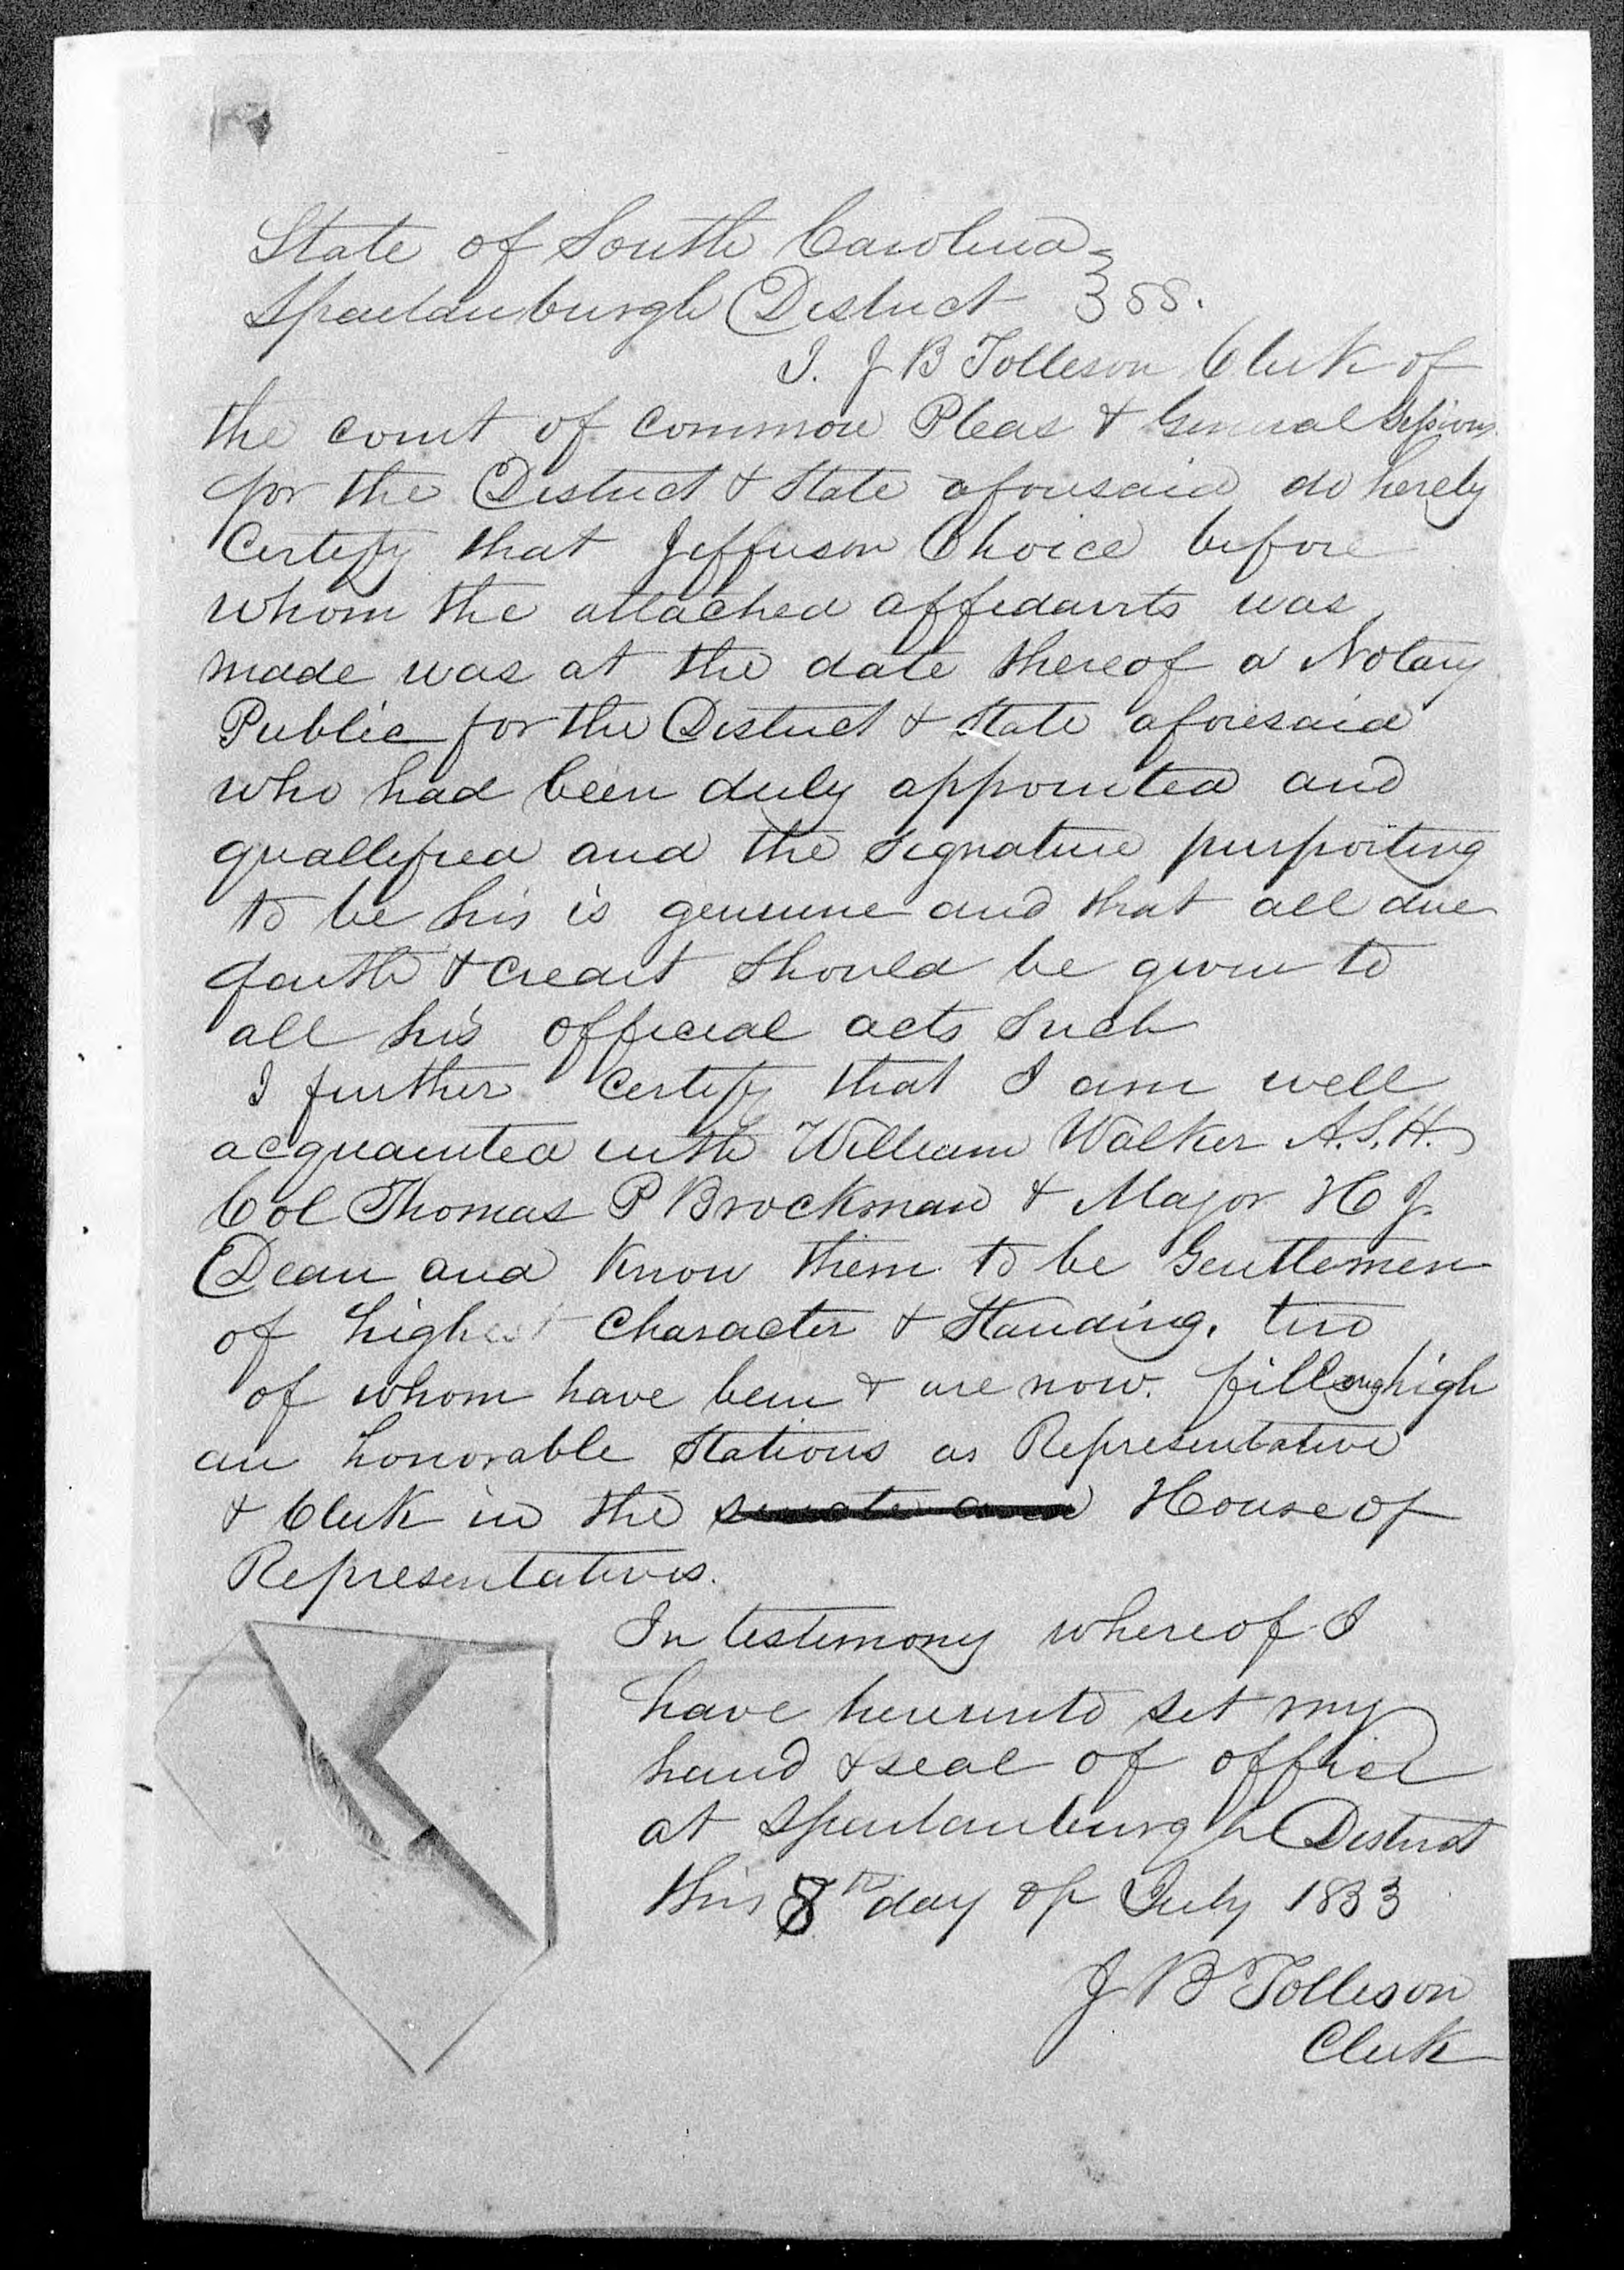State of South Carolina
Spartanburgh District      SS.

  I JB Tolleson, Clerk of the court of Common Pleas & General Sessions for the District & State aforesaid do hereby certify that Jefferson Choice before whom the attached affidavits was made was at the date thereof a Notary Public for the District & State aforesaid who had been duly appointed and qualified and the signature purporting to be his is genuine and that all due faith & credit should be given to all his official acts such.
   I further certify that I am well acquainted with William Walk A.S.H. Col Thomas P Brockman & Major H J Dean and know them to be Gentlemen of highest character and standing, two of whom have been & are now, filling high an honorable stations as Representative & Clerk in the House of Representatives.

   In testimony whereof I have hereunto set my hand & sela of office at Spartanburgh District this 8th day of July 1833.
       J.B. Tolleson
       Clerk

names: H J Dean, J B Tolleson, Sessions, Thomas P Brockman, J B Tolleson, Jefferson Choice, William Walker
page: 57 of 57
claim: survivor's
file: S. 18888, David Golightly, S.C.